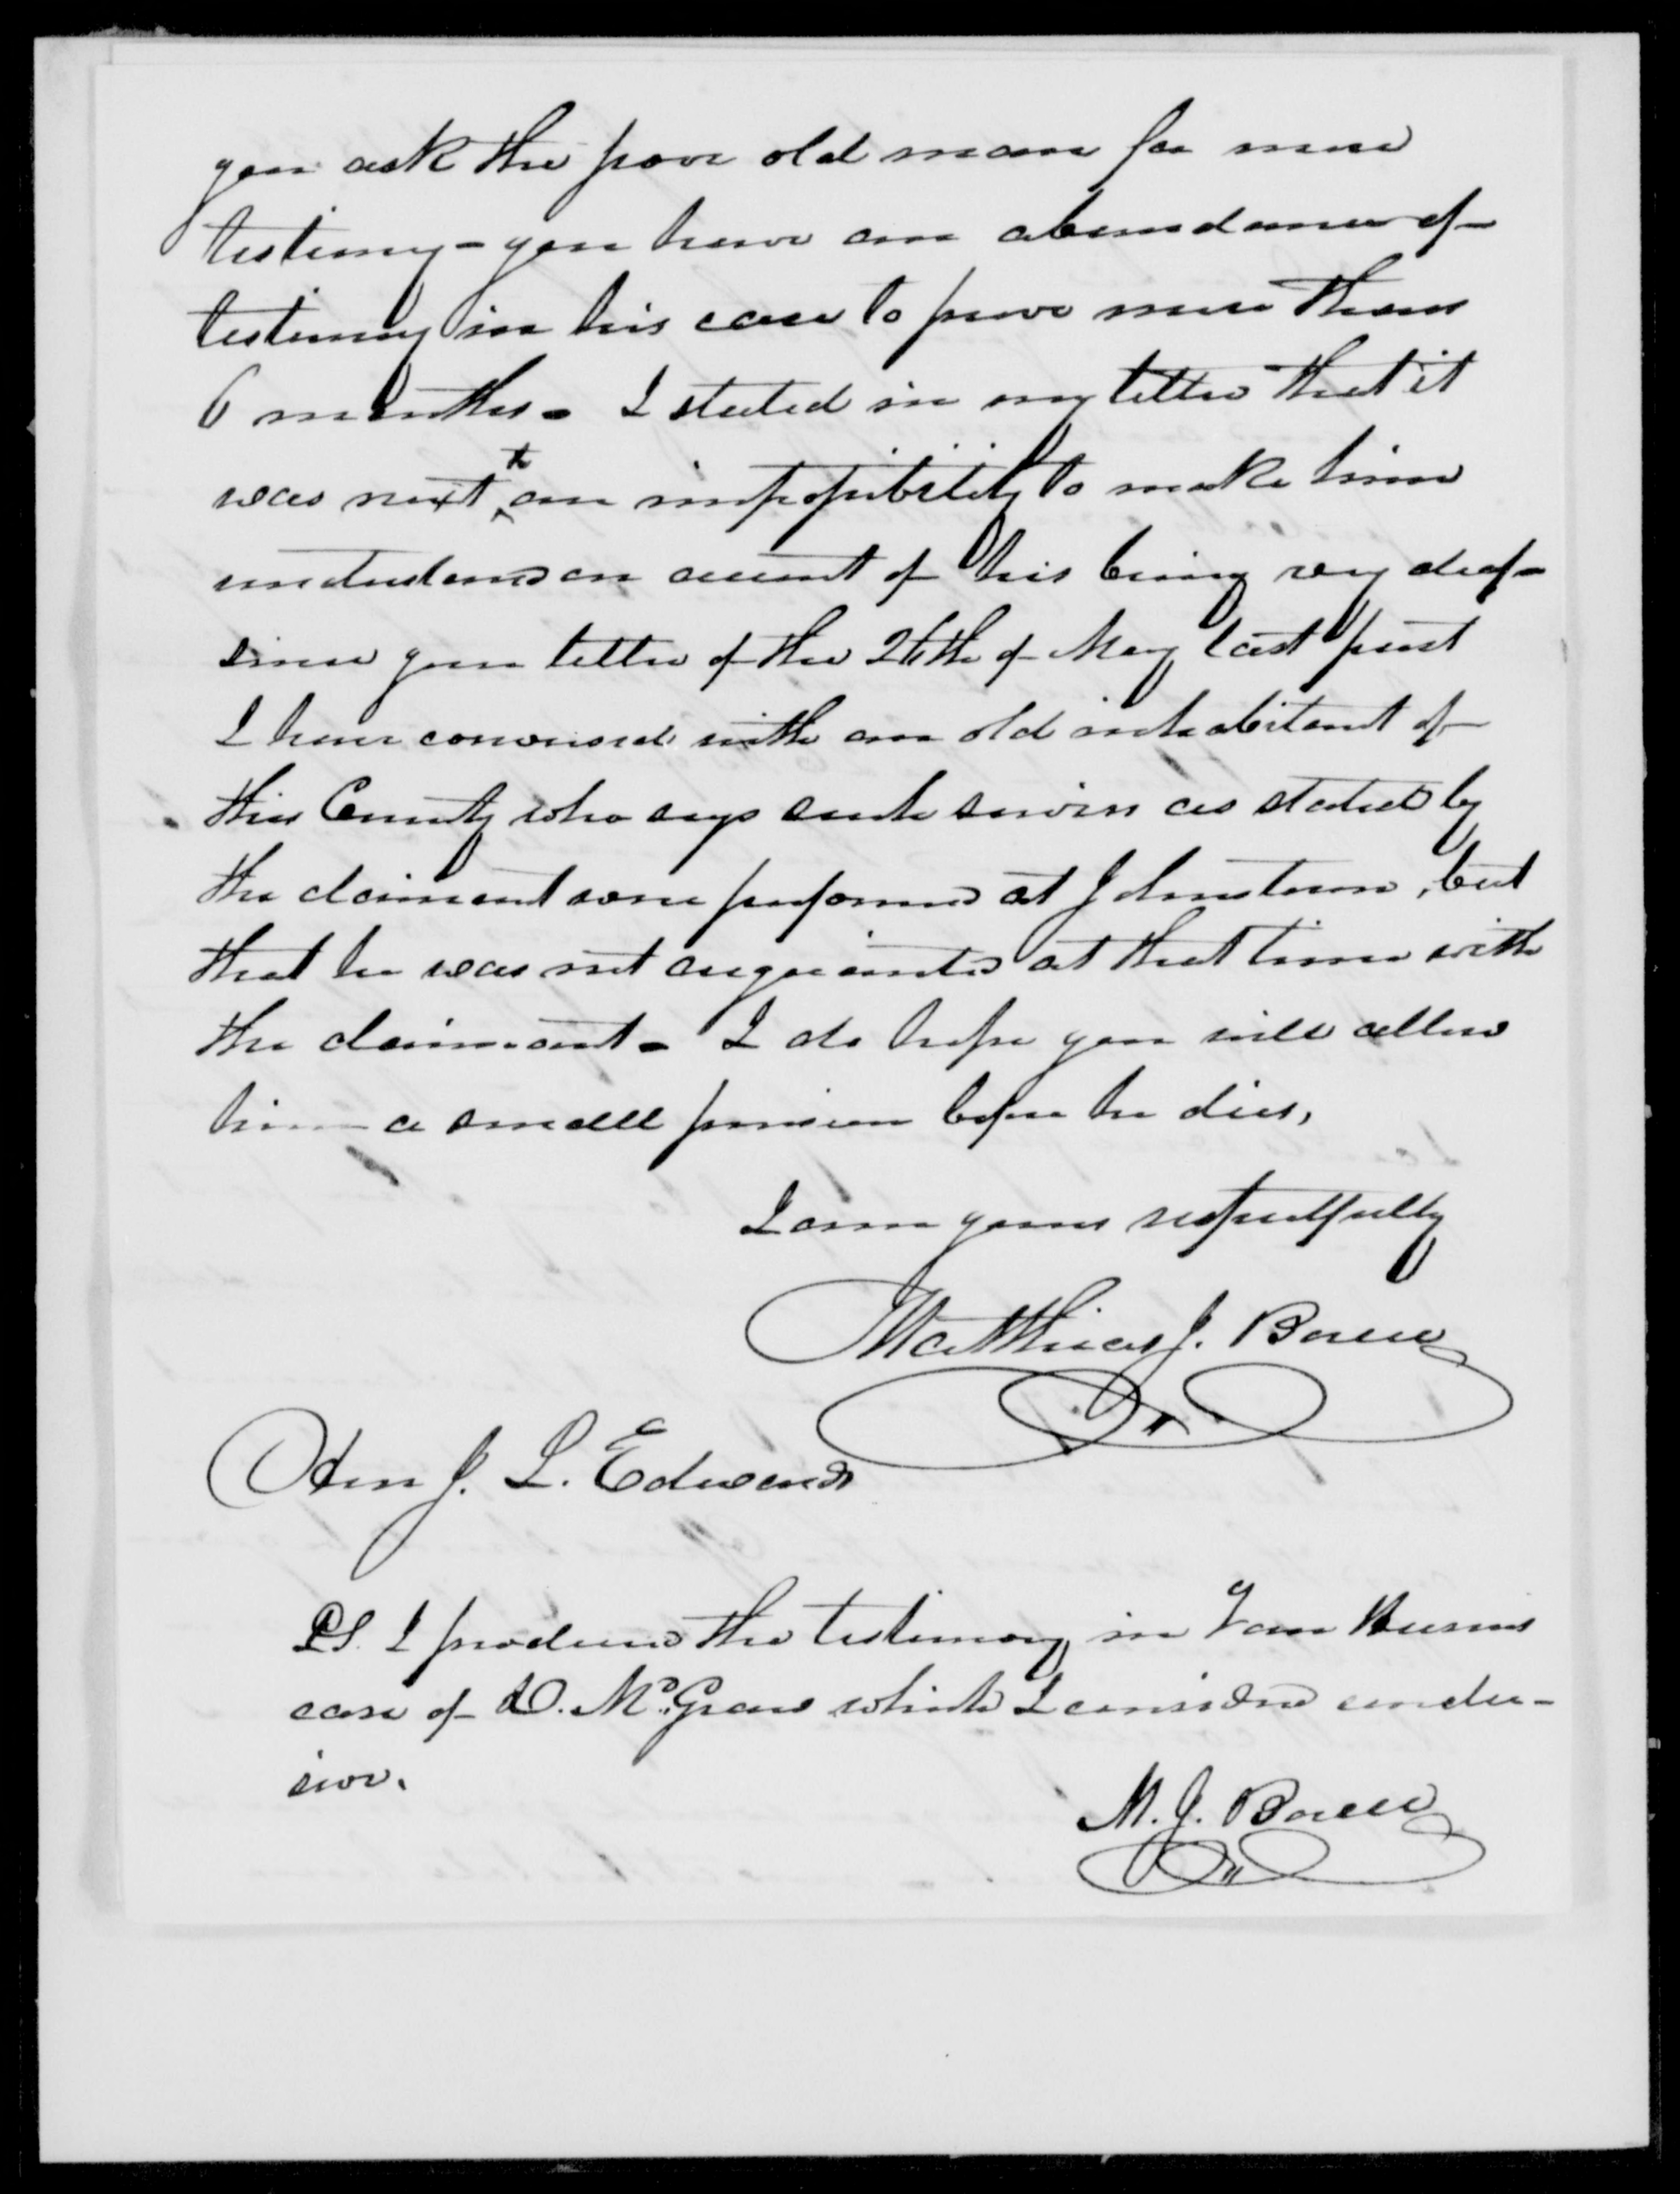you ask the poor old man for more testimony- you have an abundance of testimony in his case to prove more than 6 months – I stated in my letter that it was next to an impossibility to make him understand on account of his being very deaf – Since your letter of the 26th of May last past I have conversed with an old inhabitant of this County who says such service as stated by the claimant were performed at Johnstown, but that he was not acquainted at that time with the claimant - I do hope you will allow him a small pension before he dies, 
I am yours respectfully 
[signed] Mathias J. Bovee

J. L. Edwards 

PS. I produced the testimony in Van Husens case of D. McGraw which I considered understood
M. J. Bovee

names: J L Edwards, Matthias J Bovee, M J Bovee, D Mc Graw, Van Husen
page: 32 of 57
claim: survivor's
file: S. 28,925, Albert Van Housen, New York